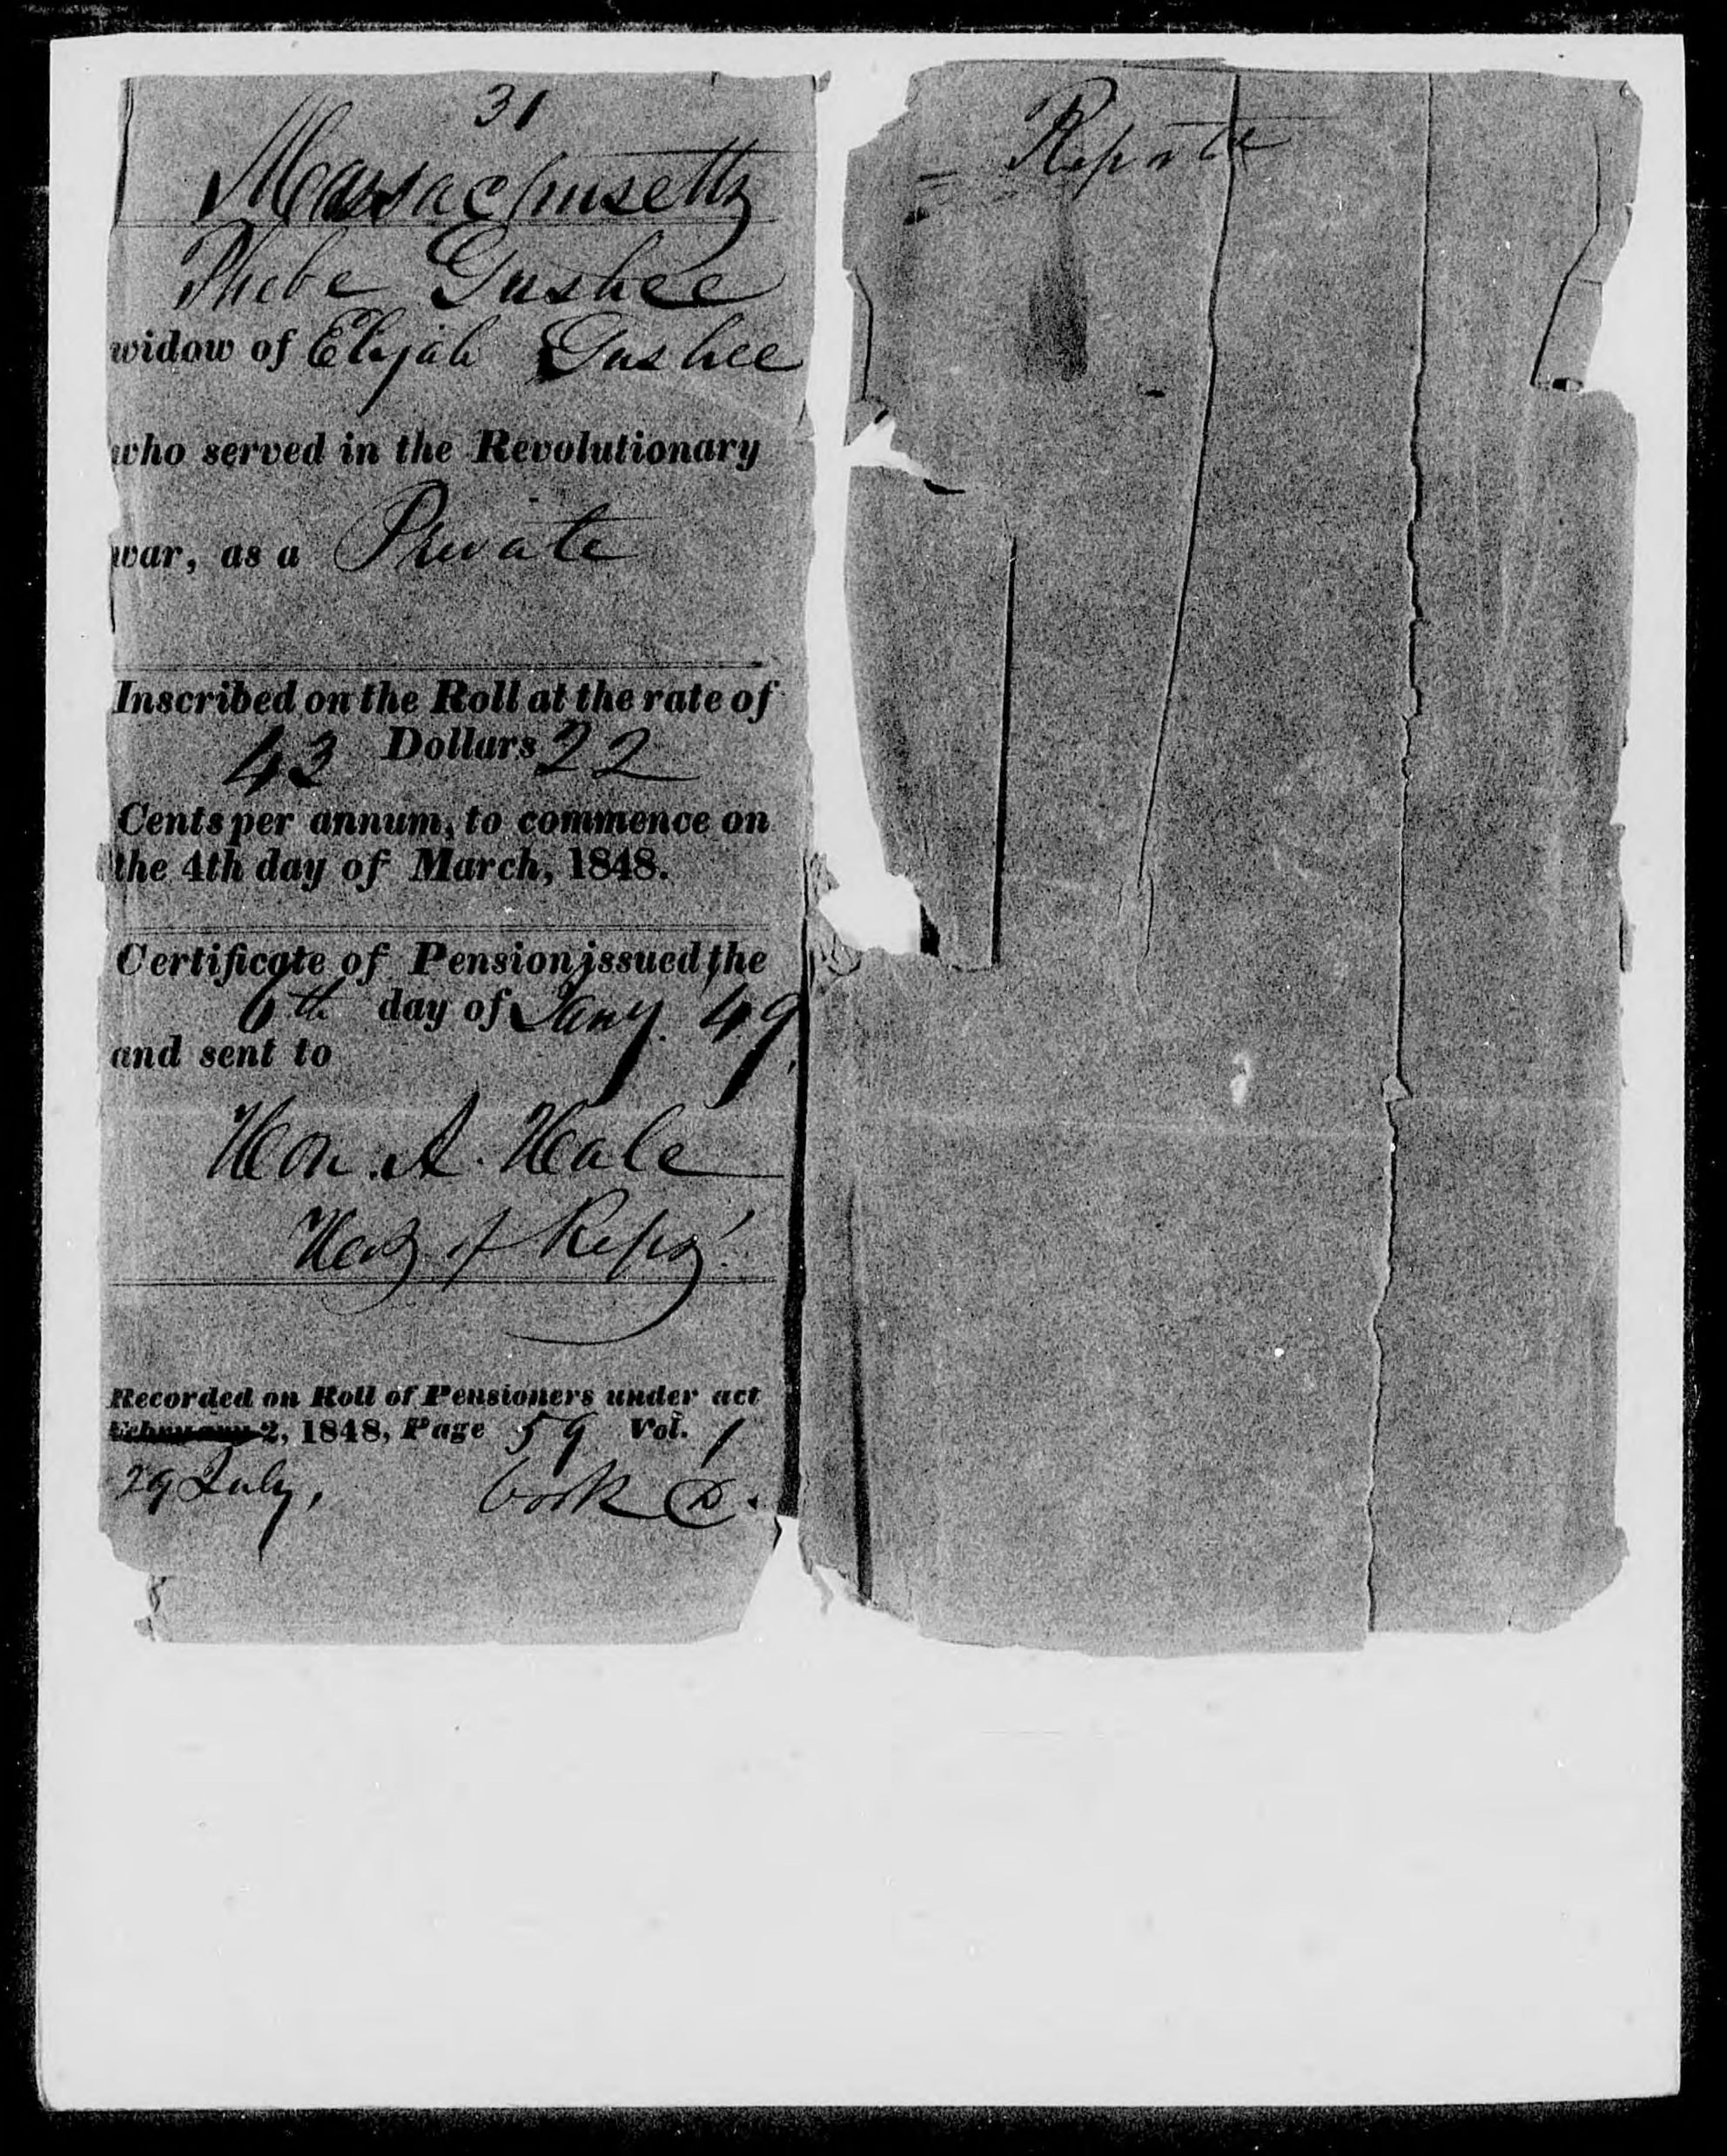[text on right side]
Report

[Text on left side]
31
Massachusetts
Phebe Gushee
widow of Elijah Gushee
who served in the Revolutionary war, as a Private
__________________________________________________
Inscribed on the Roll at the rate of 
42 Dollars 22 Cents per annum, to commence on the 4th day of March, 1848.
__________________________________________________
Cetificate of Pension issued the 6th day of May '49 
and sent to 
Hon. A Hale
House of Reps
_________________________________________________
Recorded on Roll of Pensioners under act 20 July, 1848, Page 59  Vol. 1
Book D.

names: Phebe Gushee, A Hale, Elijah Gushee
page: 3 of 36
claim: widow's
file: W. 8838, Elijah Gushee, Mass.